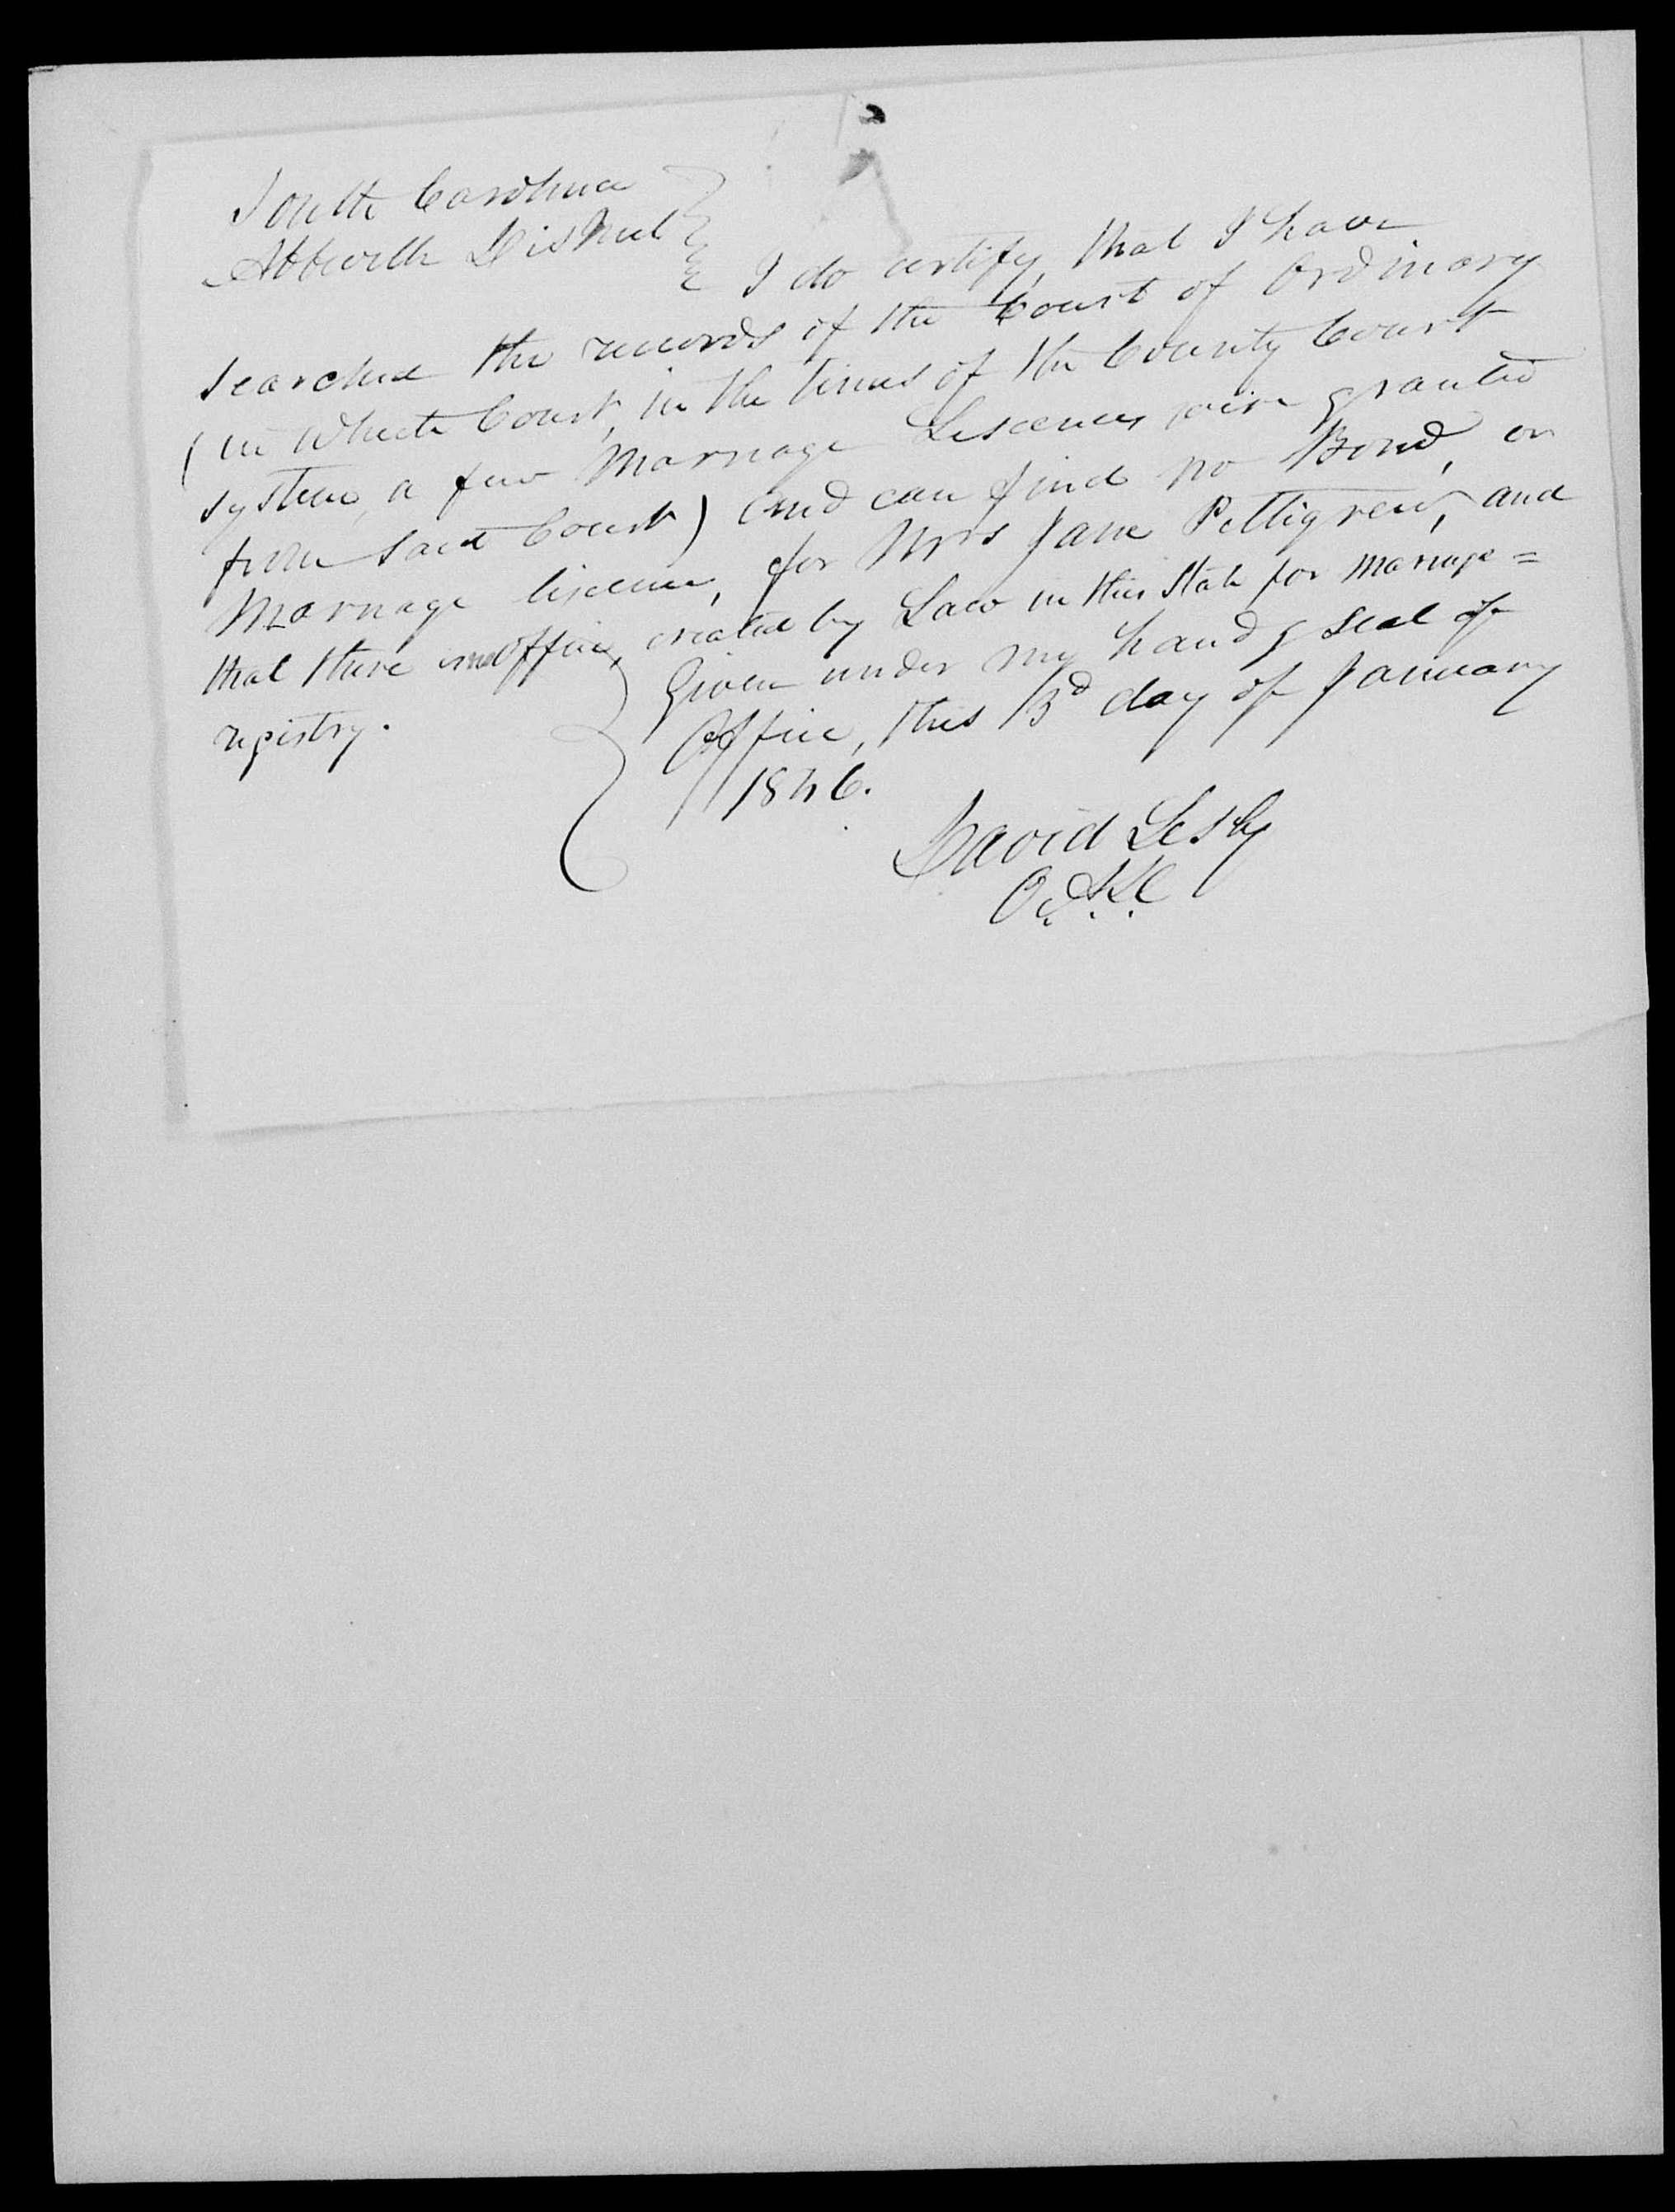South Carolina
Abbeville District
I do certify, that I have searched the records of the Court of Ordinary (in which Court, in the files of the County Court system a few Marriage Licenses were granted for said Court) And can find no Bond, on Marriage license for Mrs Jane Pettigrew; and that there in office, created by Law in this State for Marriage registry.
Given under my hand & Seal of Office, This 13th day of January 1846.
David Lesly
O.P.S.C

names: David Lesby; Jane Pettigrew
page: 35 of 92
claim: widow's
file: W. 5522, for James Pettigrew, South Carolina